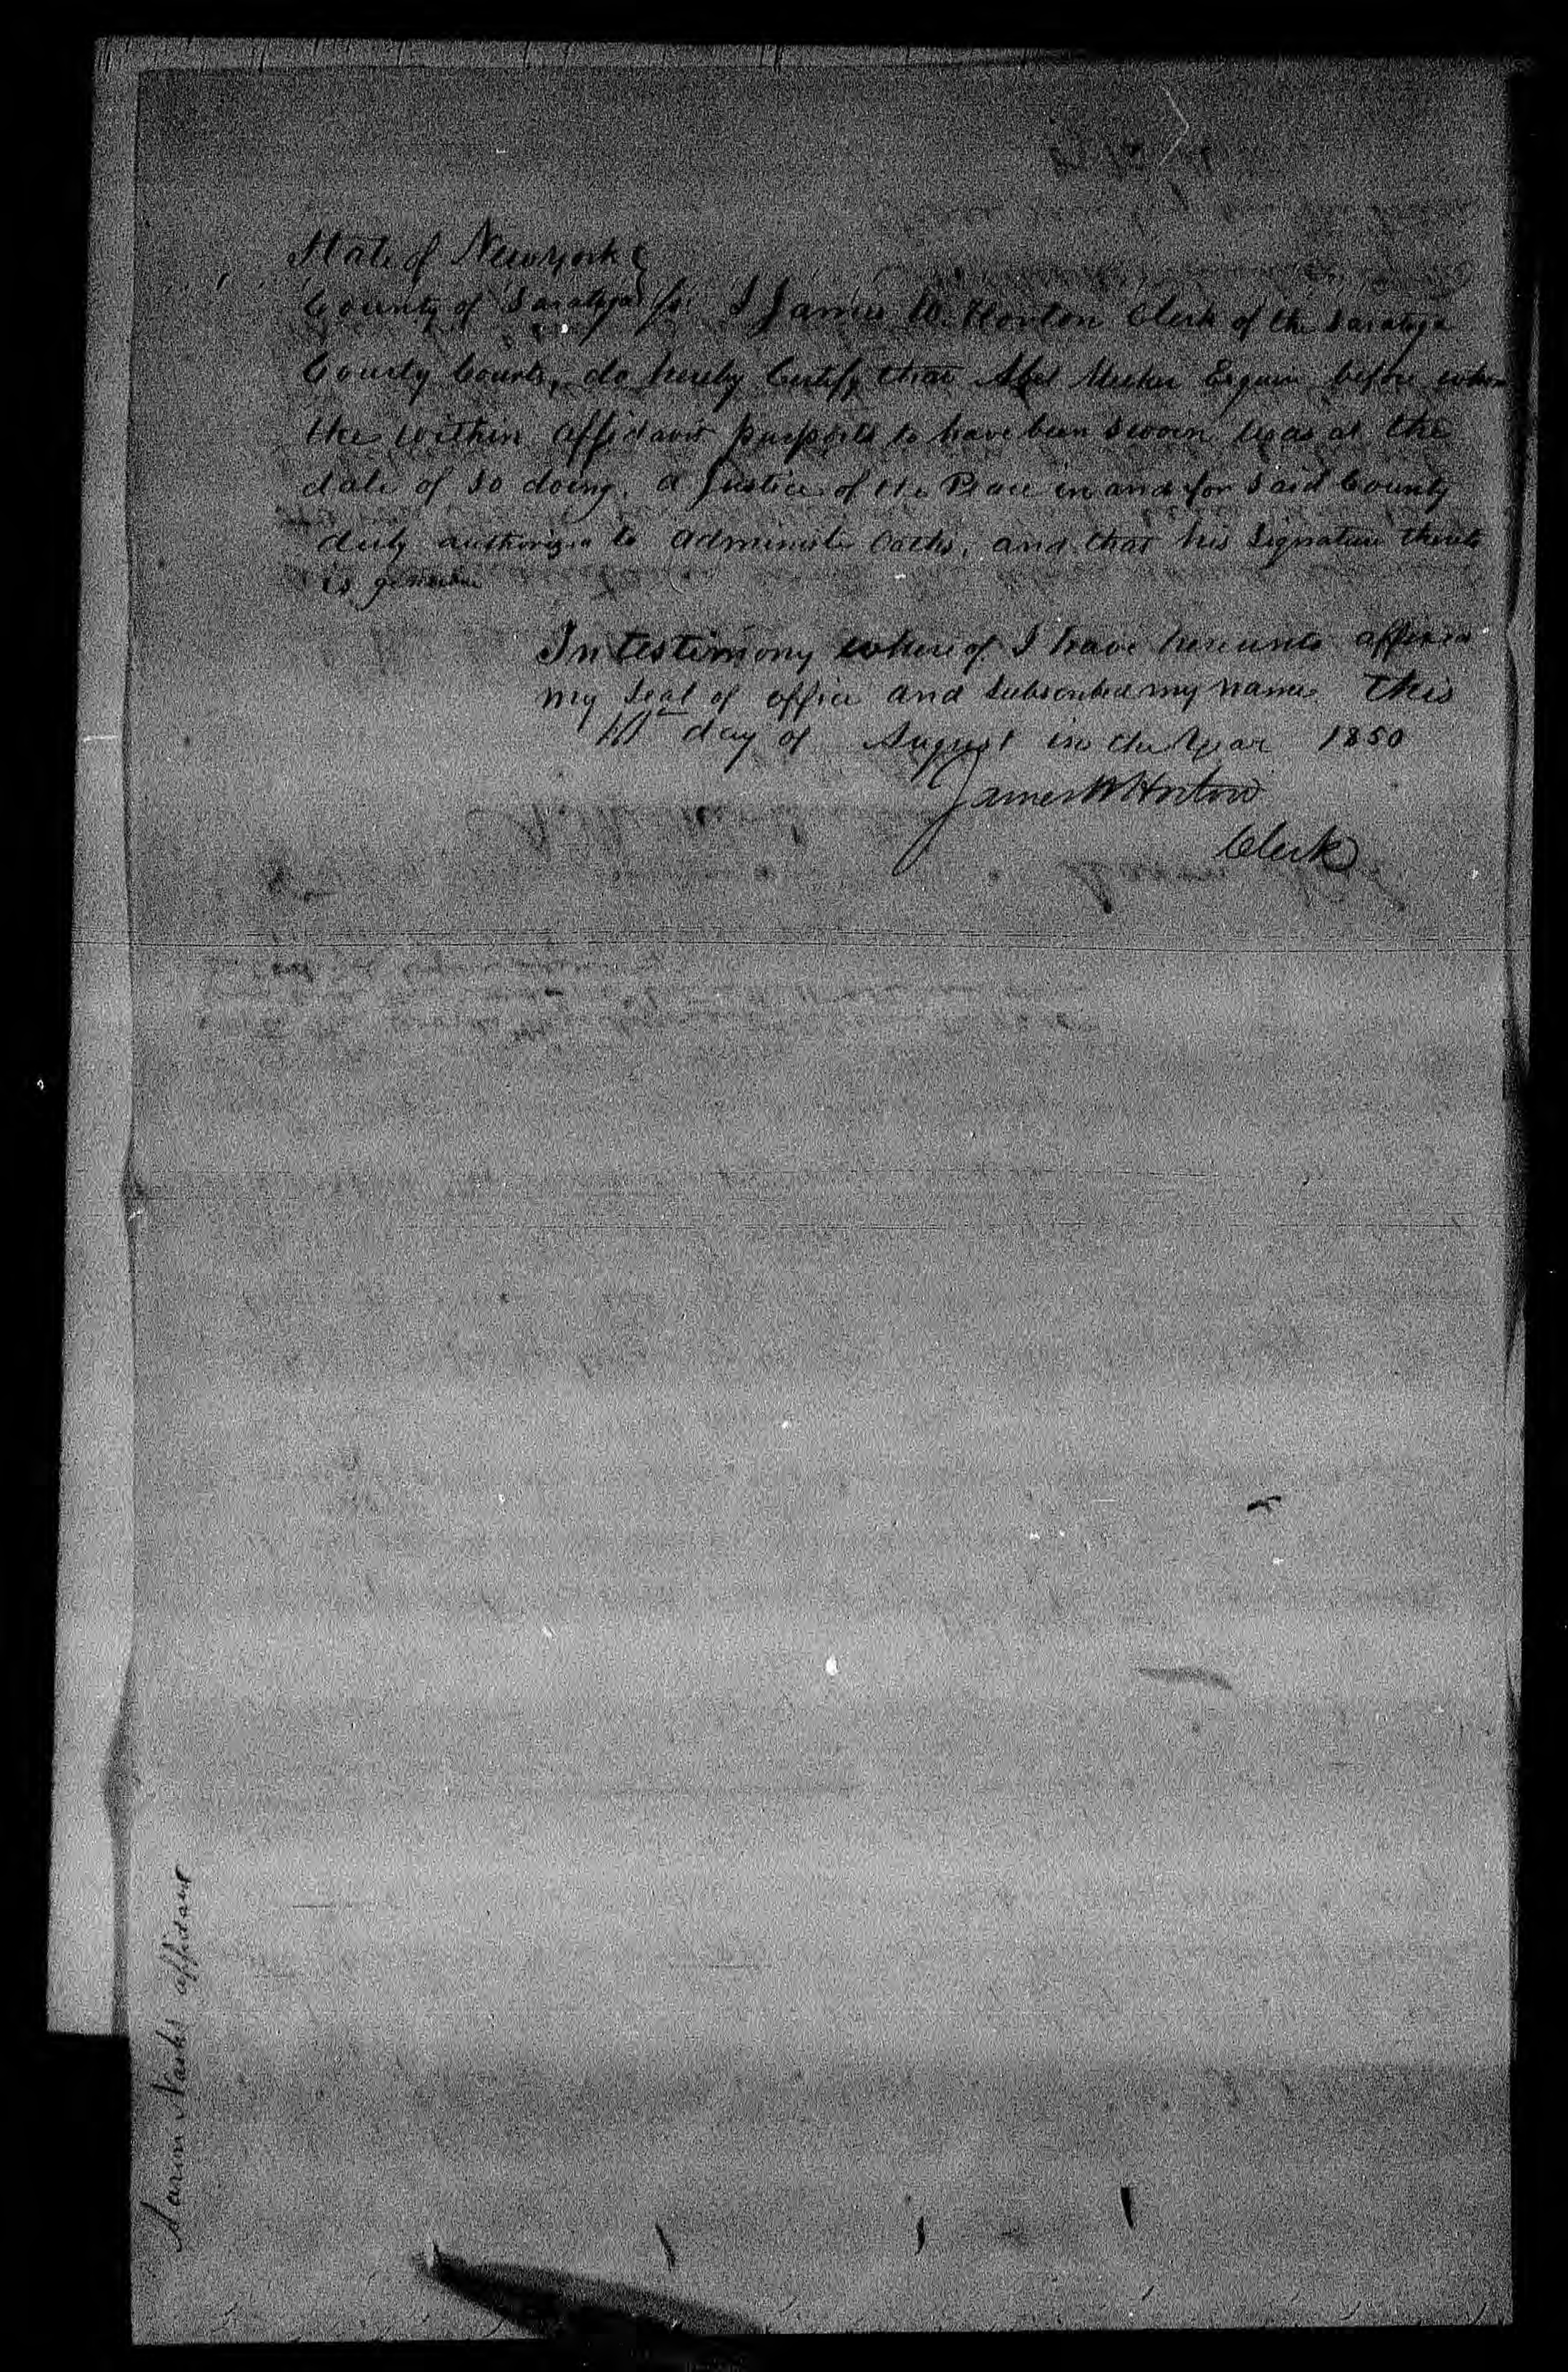State of New York
Count of Saratoga}Ss. I James W. Horton Clerk of the Saratoga County Courts, do hereby certify that Abel Meeker Esquire before whom the within affidavit purports to have been sworn was at the date of so doing, a Justice of the Peace in and for said county duly authorized to administer oaths, and that this signature thereto is genuine.
In testimony whereof I have hereunto affixed my seal of office and subscribed my name this 11th day of August in the year 1850.
James W. Horton Clerk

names: James W Horton, James W Horton, Abel Meeker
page: 29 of 34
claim: widow's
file: W. 1596, Joseph Gregory, Conn.